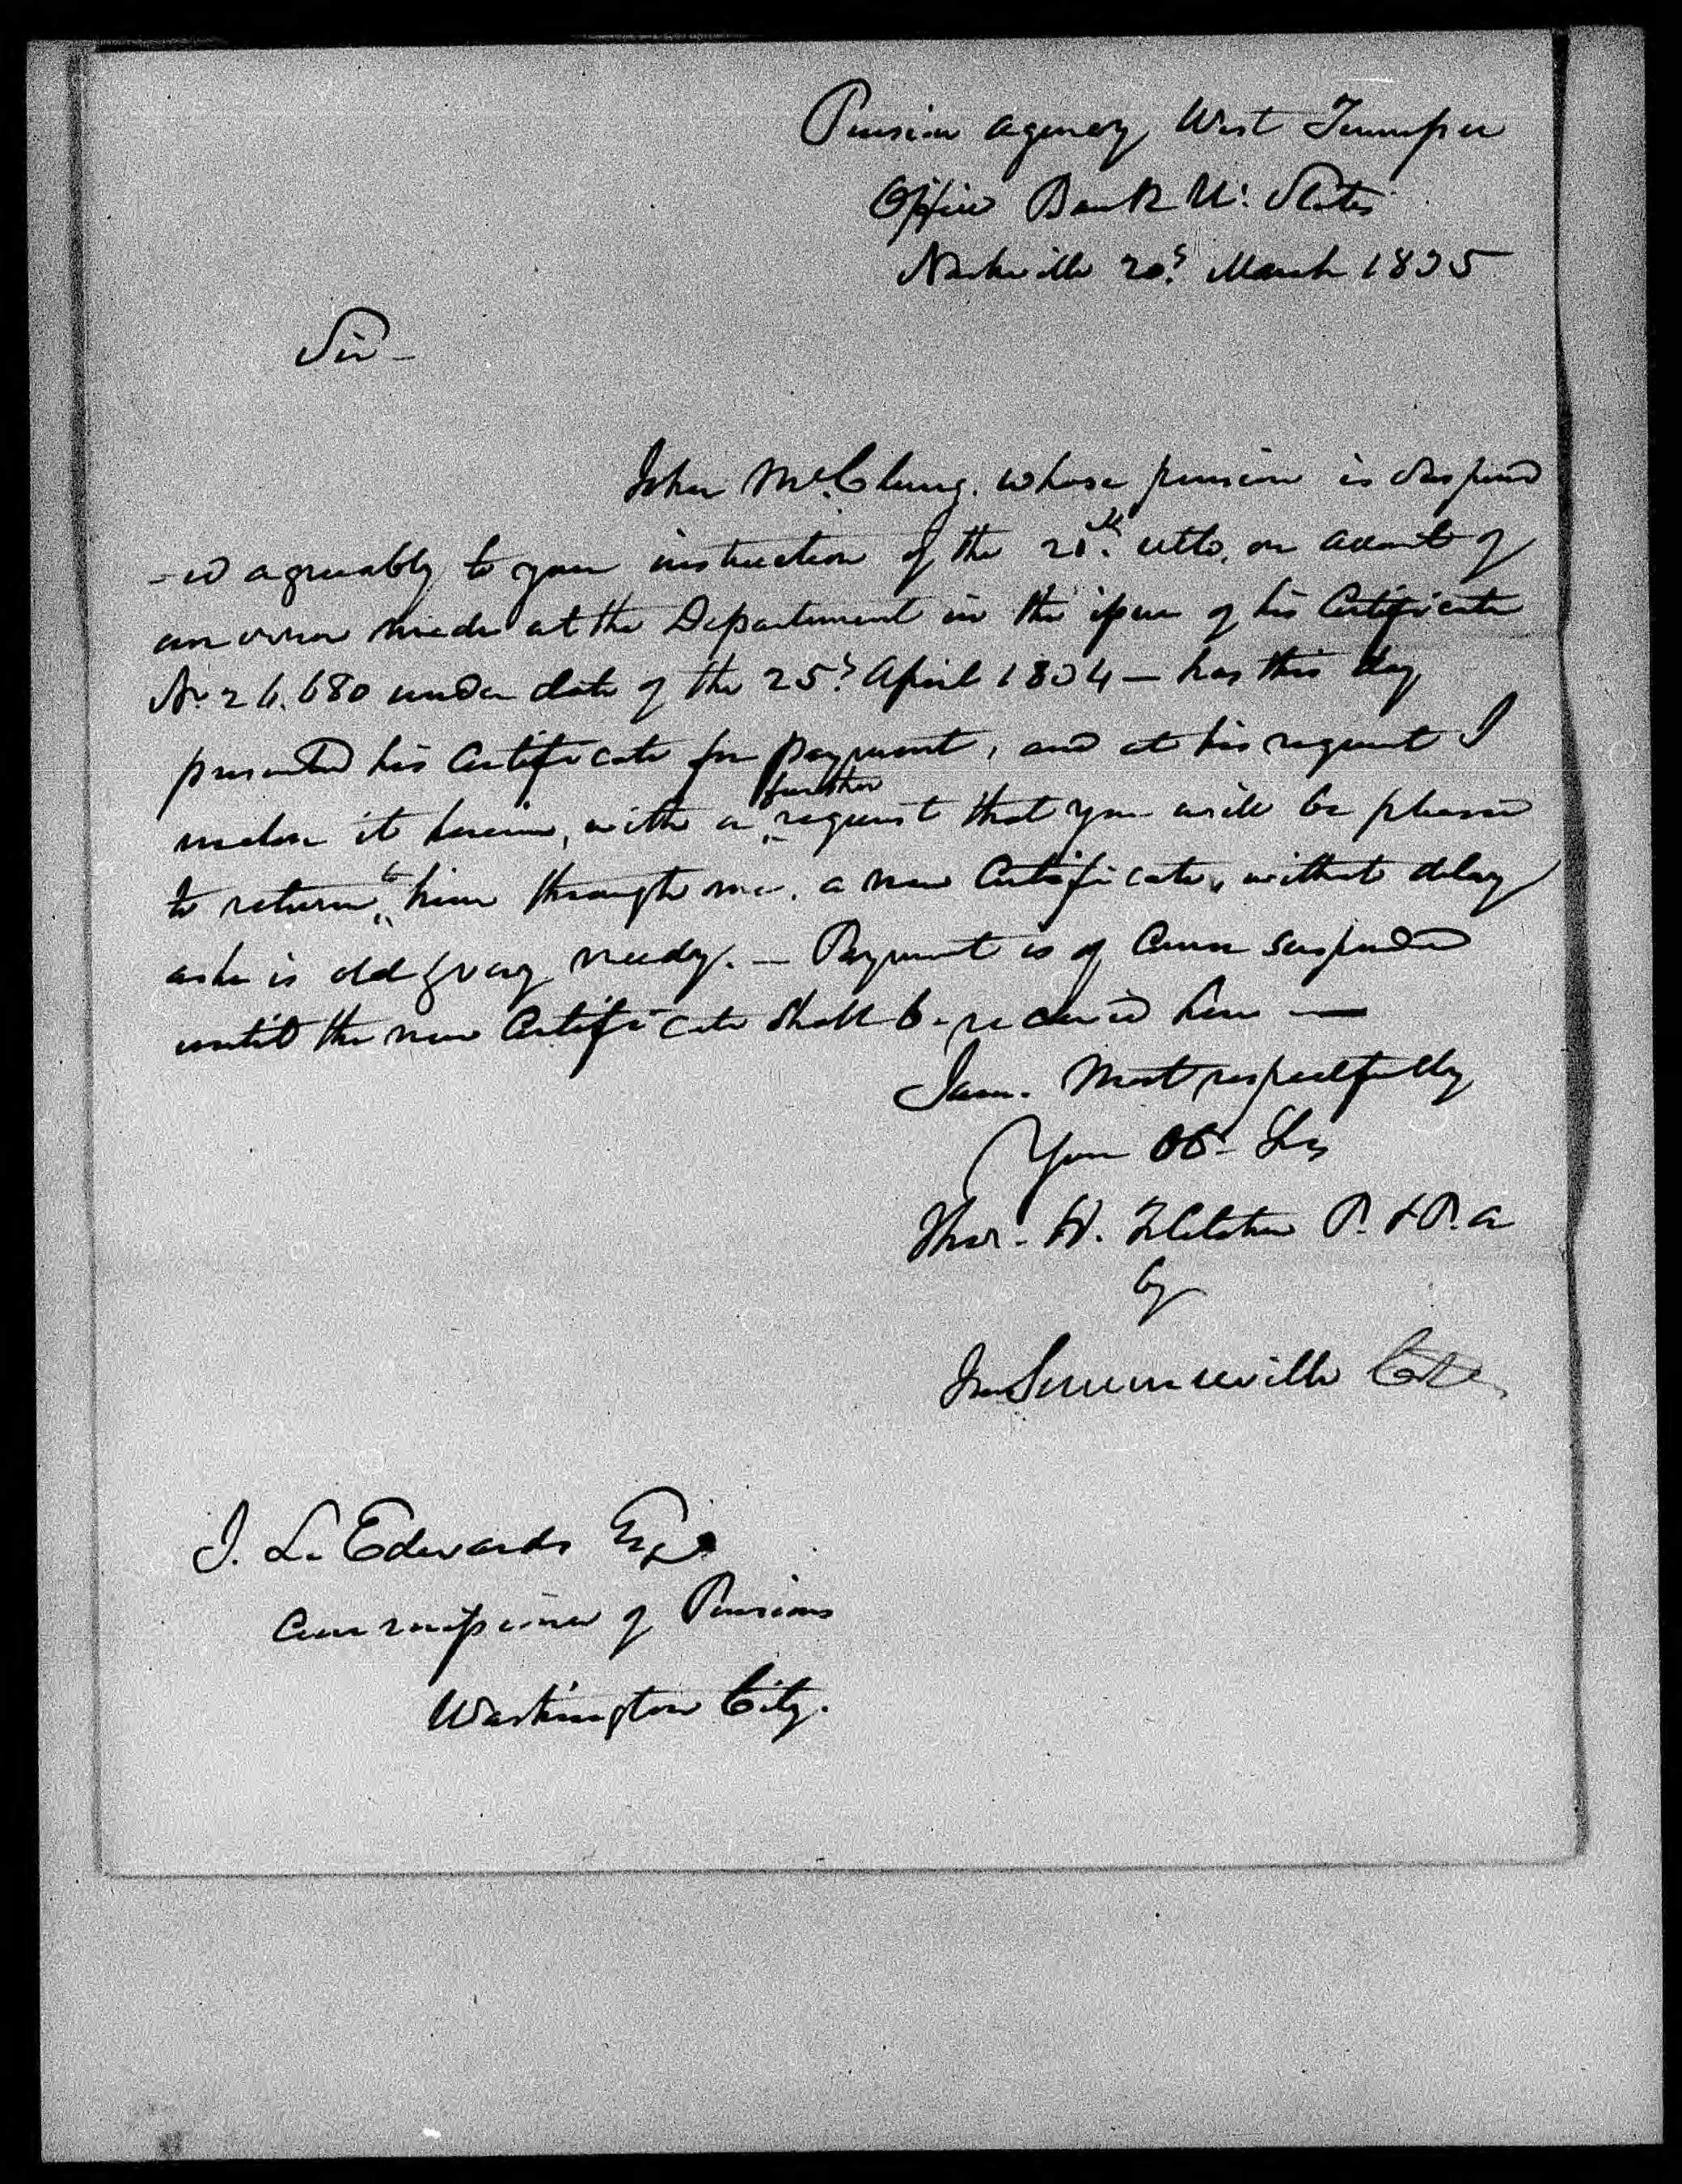Pension Agency West Tennessee
Office Bank U States
Nashville 20 March 1835

Sir,
John McClung, whose pension is suspended agreeably to you instruction of the 20th ult. on account of an error made at the Department in the issue of his certificate N. 26.680 under date of the 25th April 1834 - has this day presented his certificate for payment, and at his request I render it here, with a further request that you will be pleased to return to him through me a new certificate without delay as he is old & very needy. Payment is now suspended until the new certificate shall be received here

Most respectfully
Your obt svt
Thos H. Fletcher P & PA.
by
J Summerville Clk

J. L. Edwards
Commissioner of Pensions
Washington City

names: Jno [BLANK]; Thos H Fletcher; J L Edwards; John Mc Clung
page: 93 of 115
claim: widow's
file: W. 1446, for John Mc Clung, South Carolina